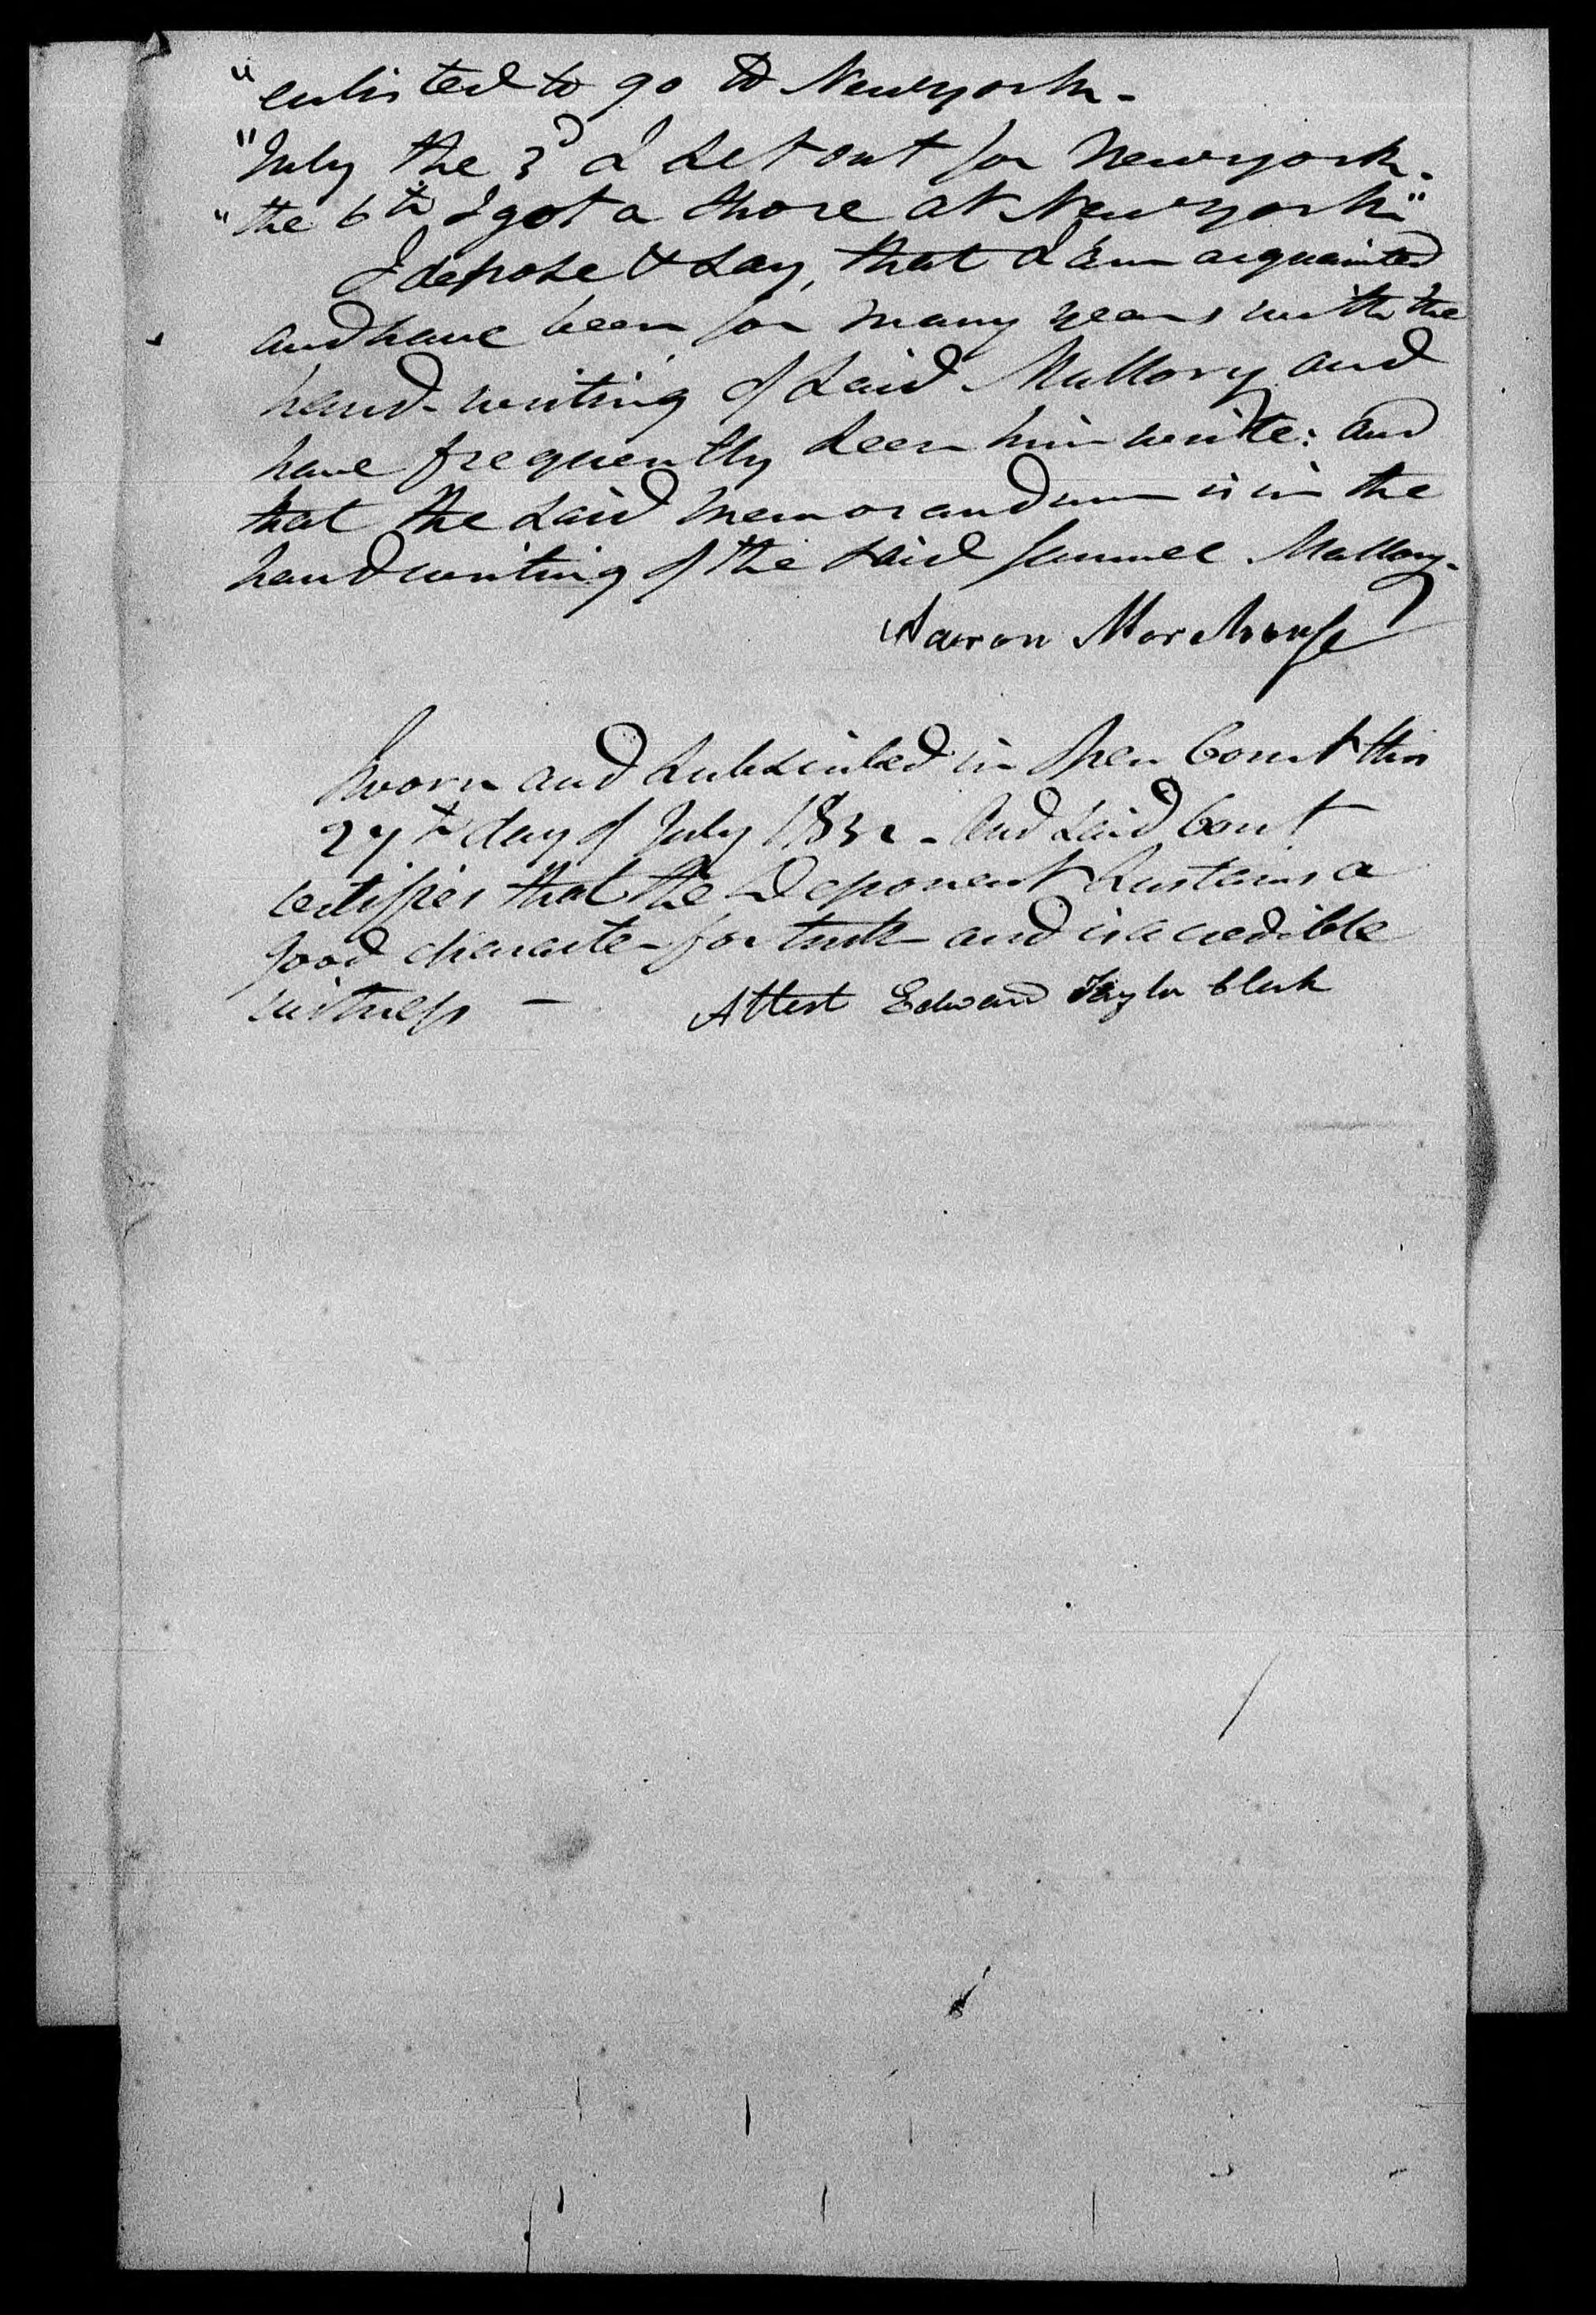enlisted to go to New york

July the 3d I set out for New York
the 6th I got a shore at New York
I depose & say that I am acquainted
and have been for many years with the
hand writing of said Mallory and
have frequently seen him write  and
that the said memorandum is in the 
handwriting of the said Samuel Mallory
Aaron Morehouse

Sworn and subscribed in open Court this
27th day of July 1832 and said Cout
Certifies that the Deponent sustains a
Good character for truth and is a
credible witness
Attest Edward Taylor Clerk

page: 27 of 29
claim: survivor's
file: S. 23,312, for Samuel Mallery, Connecticut